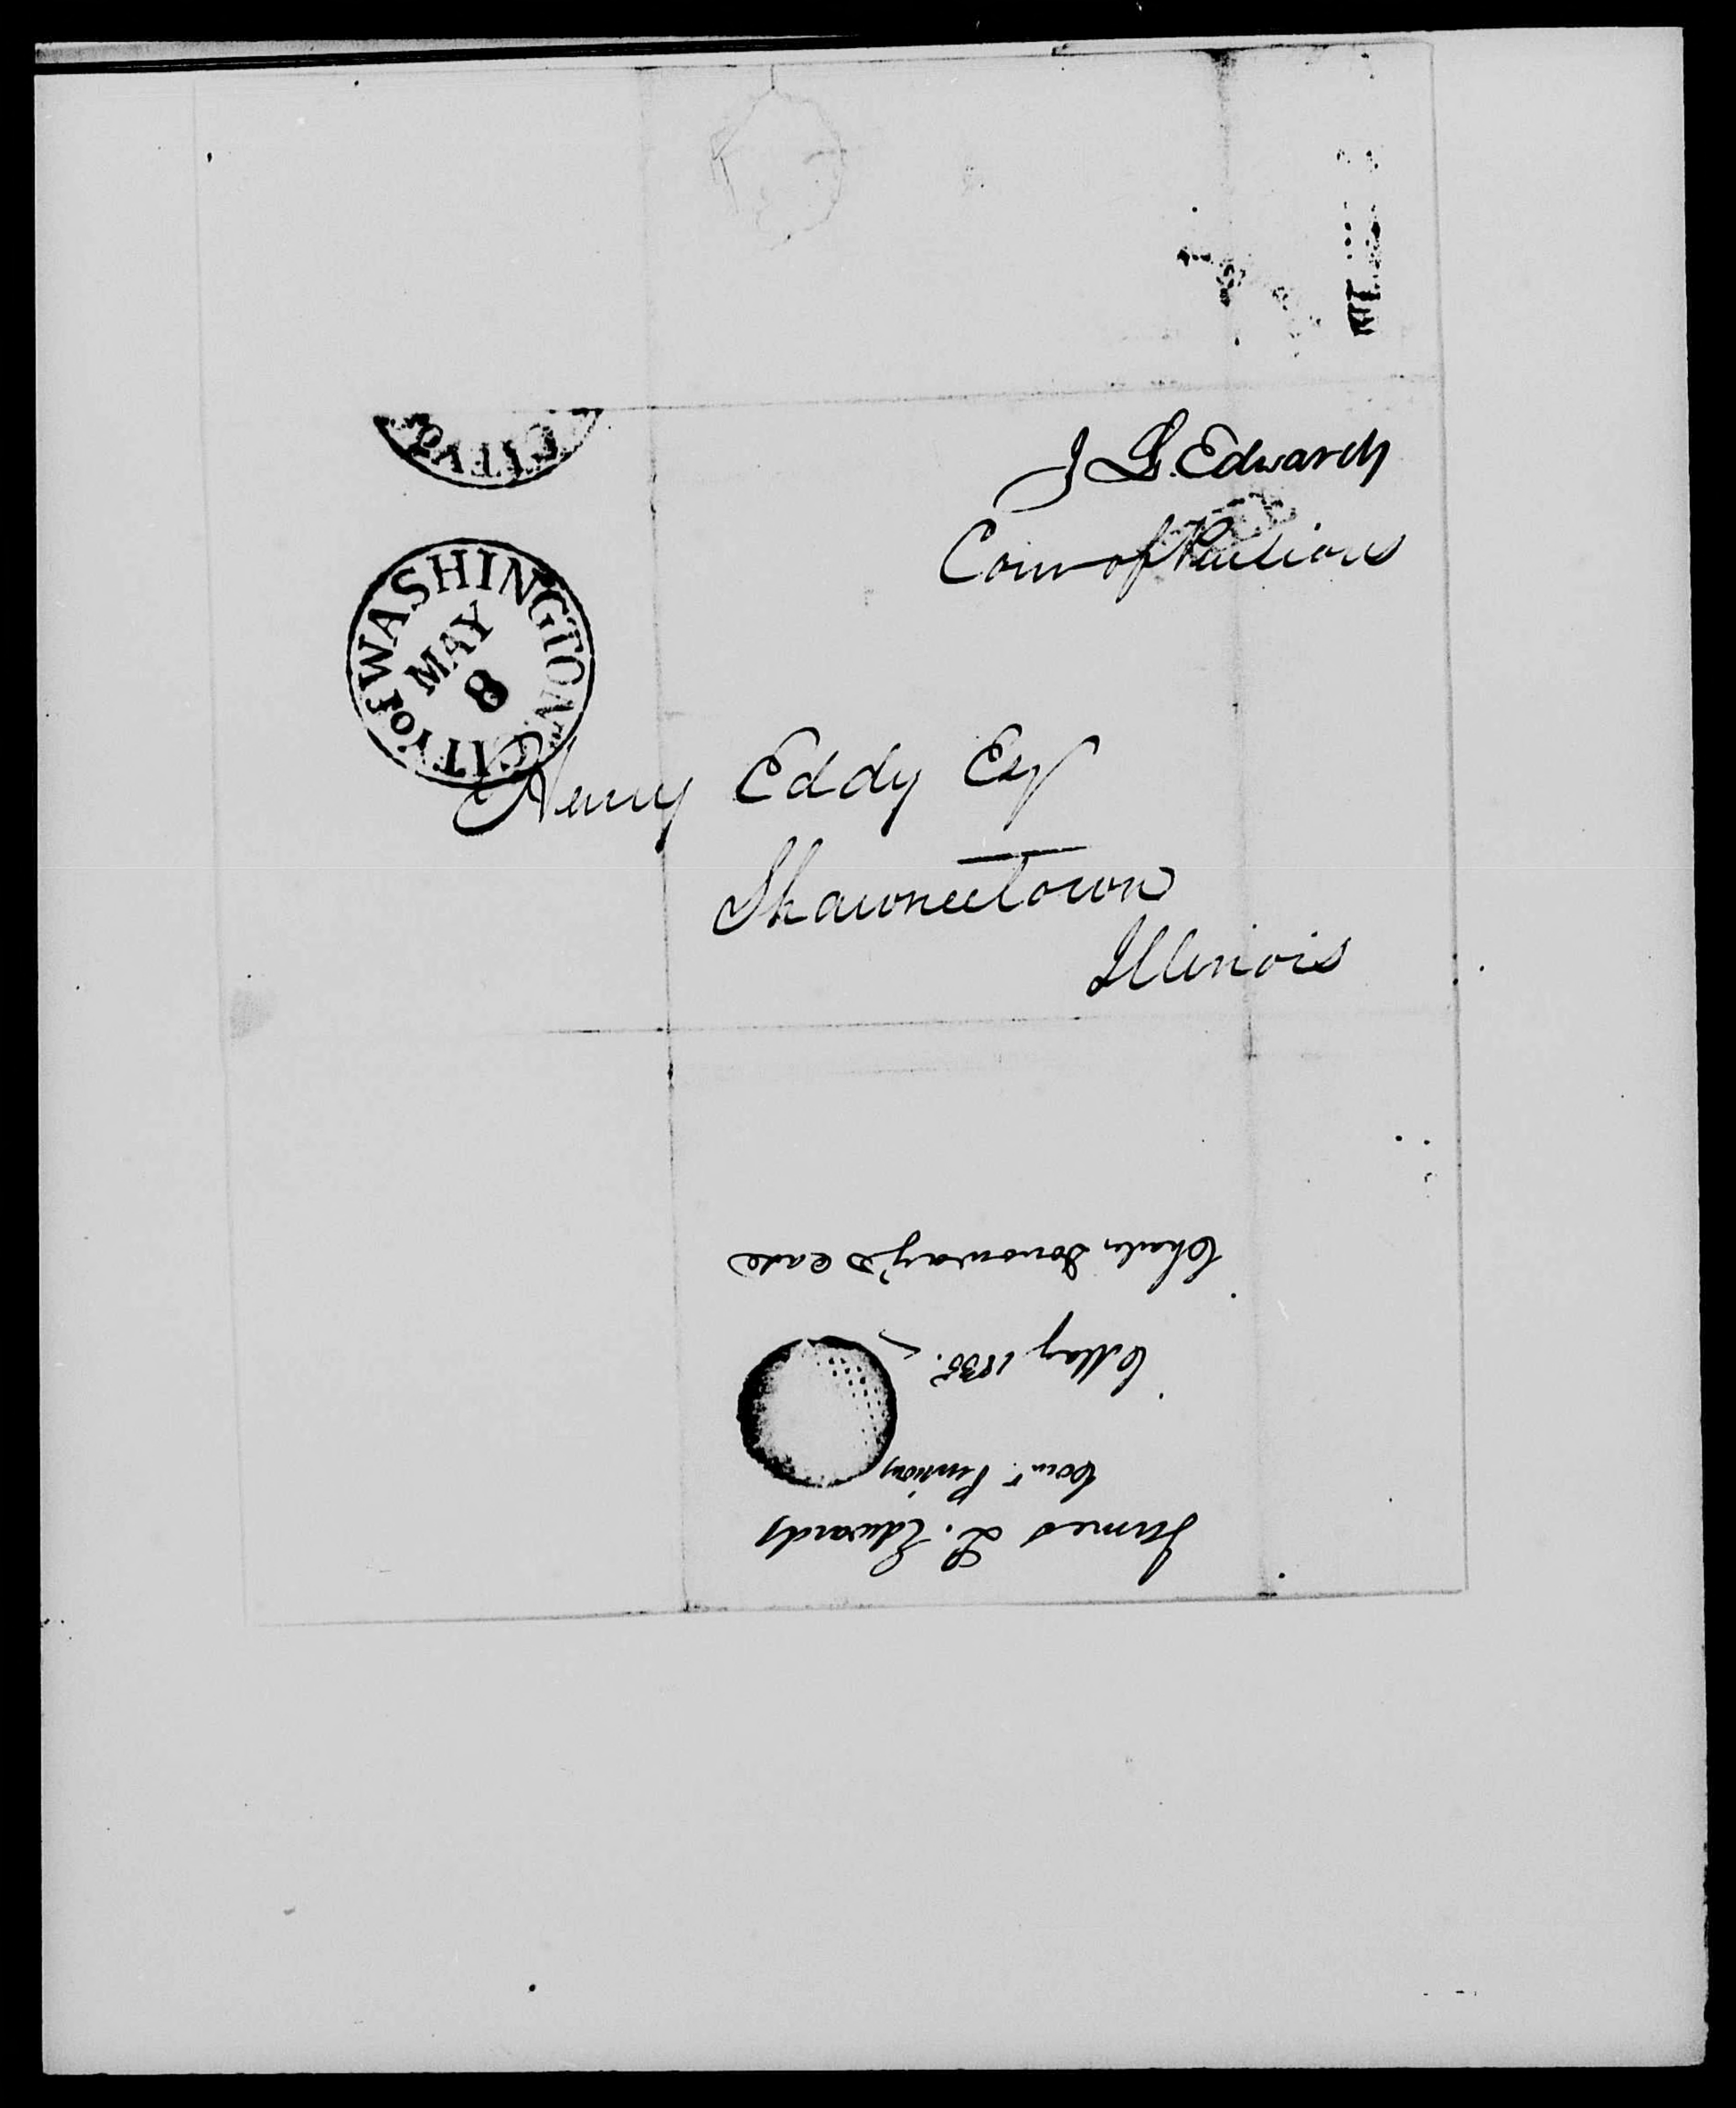James L. Edwards
Comr. Pensions
6 May 1835.
Charles Donoway's case

J L. Edwards
Com of Pensions
Henry Eddy Esq.
Shawneetown
Illinois
CITY of WASHINGTON MAY 8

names: J L Edwards, James L Edwards, Henry Eddy, Charles Donaway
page: 19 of 29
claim: rejected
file: R. 3010, Charles Donaway, Va.